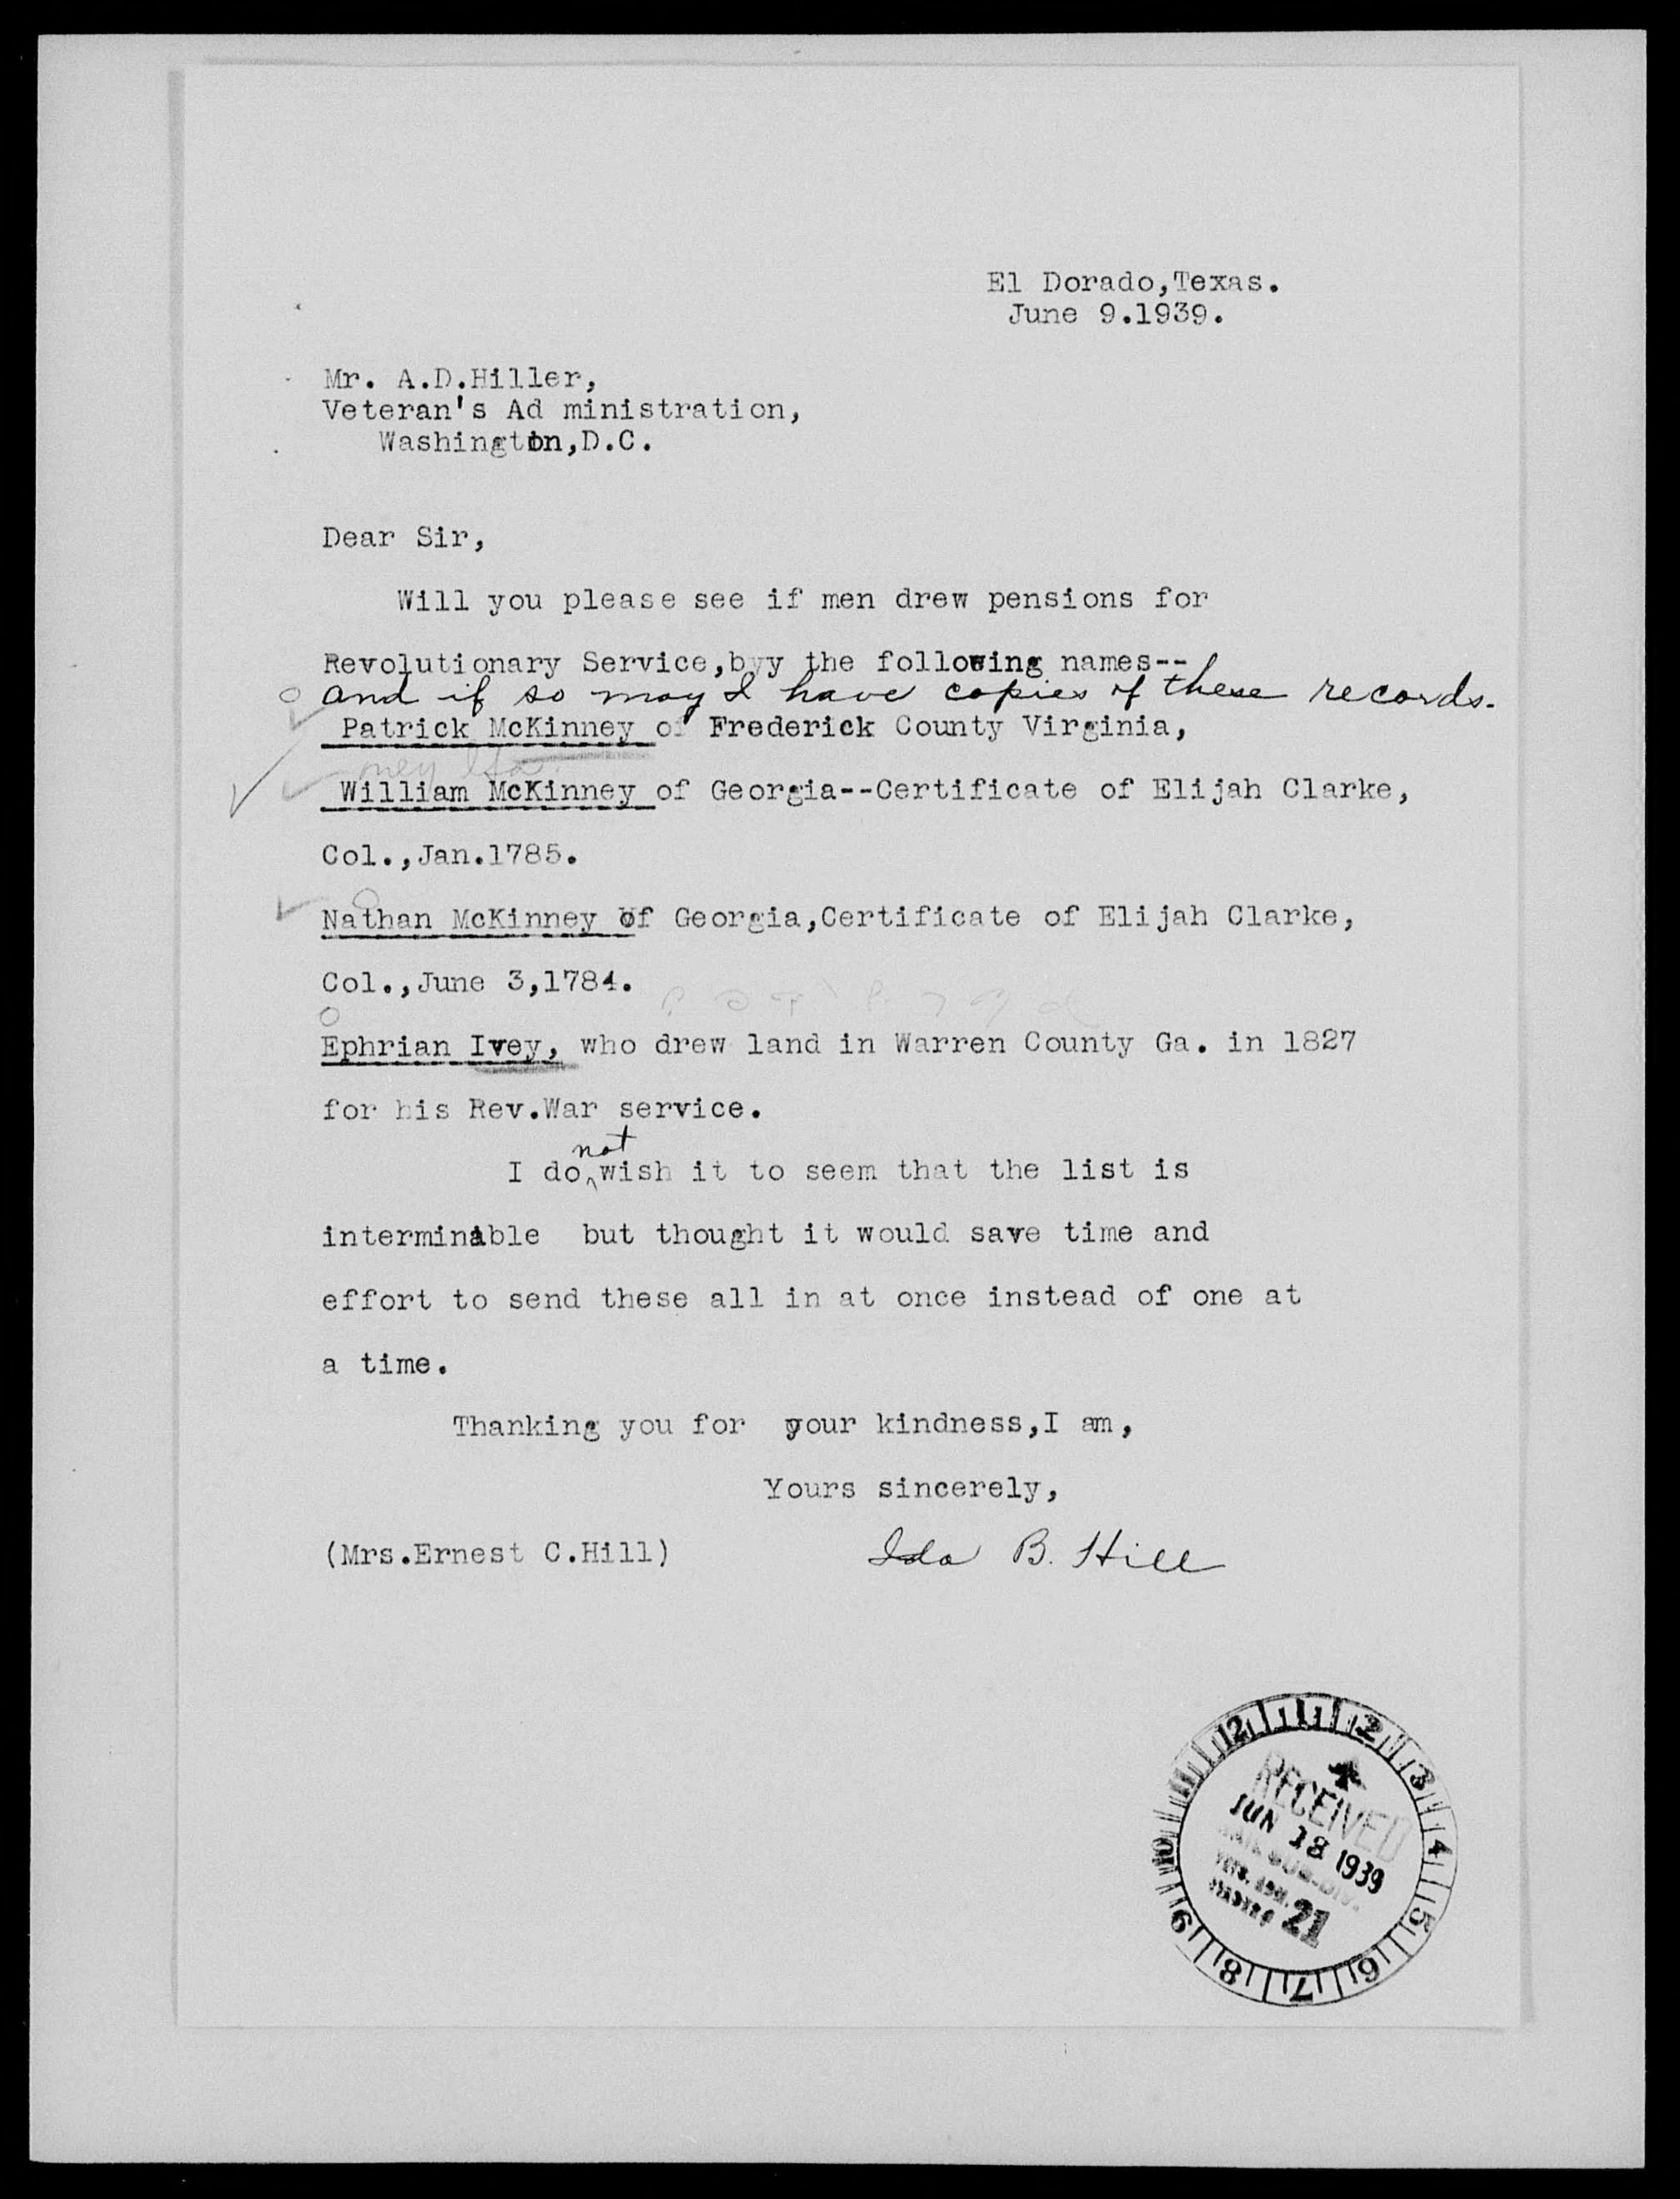El Dorado, Texas.
June 9. 1939. 

Mr. A.D. Hiller, 
Veteran's Administration,
Washington,D.C.
Dear Sir,

Will you please see if men drew pensions for Revolutionary Service,  by the following names--
[handwritten]: and if so may I have copies of these records.

[each name below underlined and checked off in handwriting]
Patrick McKinney of Frederick County Virginia,
William McKinney of Georgia--Certificate of Elijah Clarke, Col.,Jan.1785
Nathan McKinney of Georgia,Certificate of Elijah Clarke, Col.,June 3,1784.
Ephrian Ivey, who drew land in Warren County Ga. in 1827 for his Rev.War service.

I do [handwritten] not wish it to seem that the list is interminable but thought it would save time and effort to send these all in at once instead of one at a time. 
Thanking you for your kindness, I am,
Yours sincerely,
(Mrs. Ernest C. Hill) [signature]: Ida B. Hill

[stamped RECEIVED Jun 18 1939]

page: 16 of 28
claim: survivor's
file: S. 16,470, for William Mc Kinney, Georgia